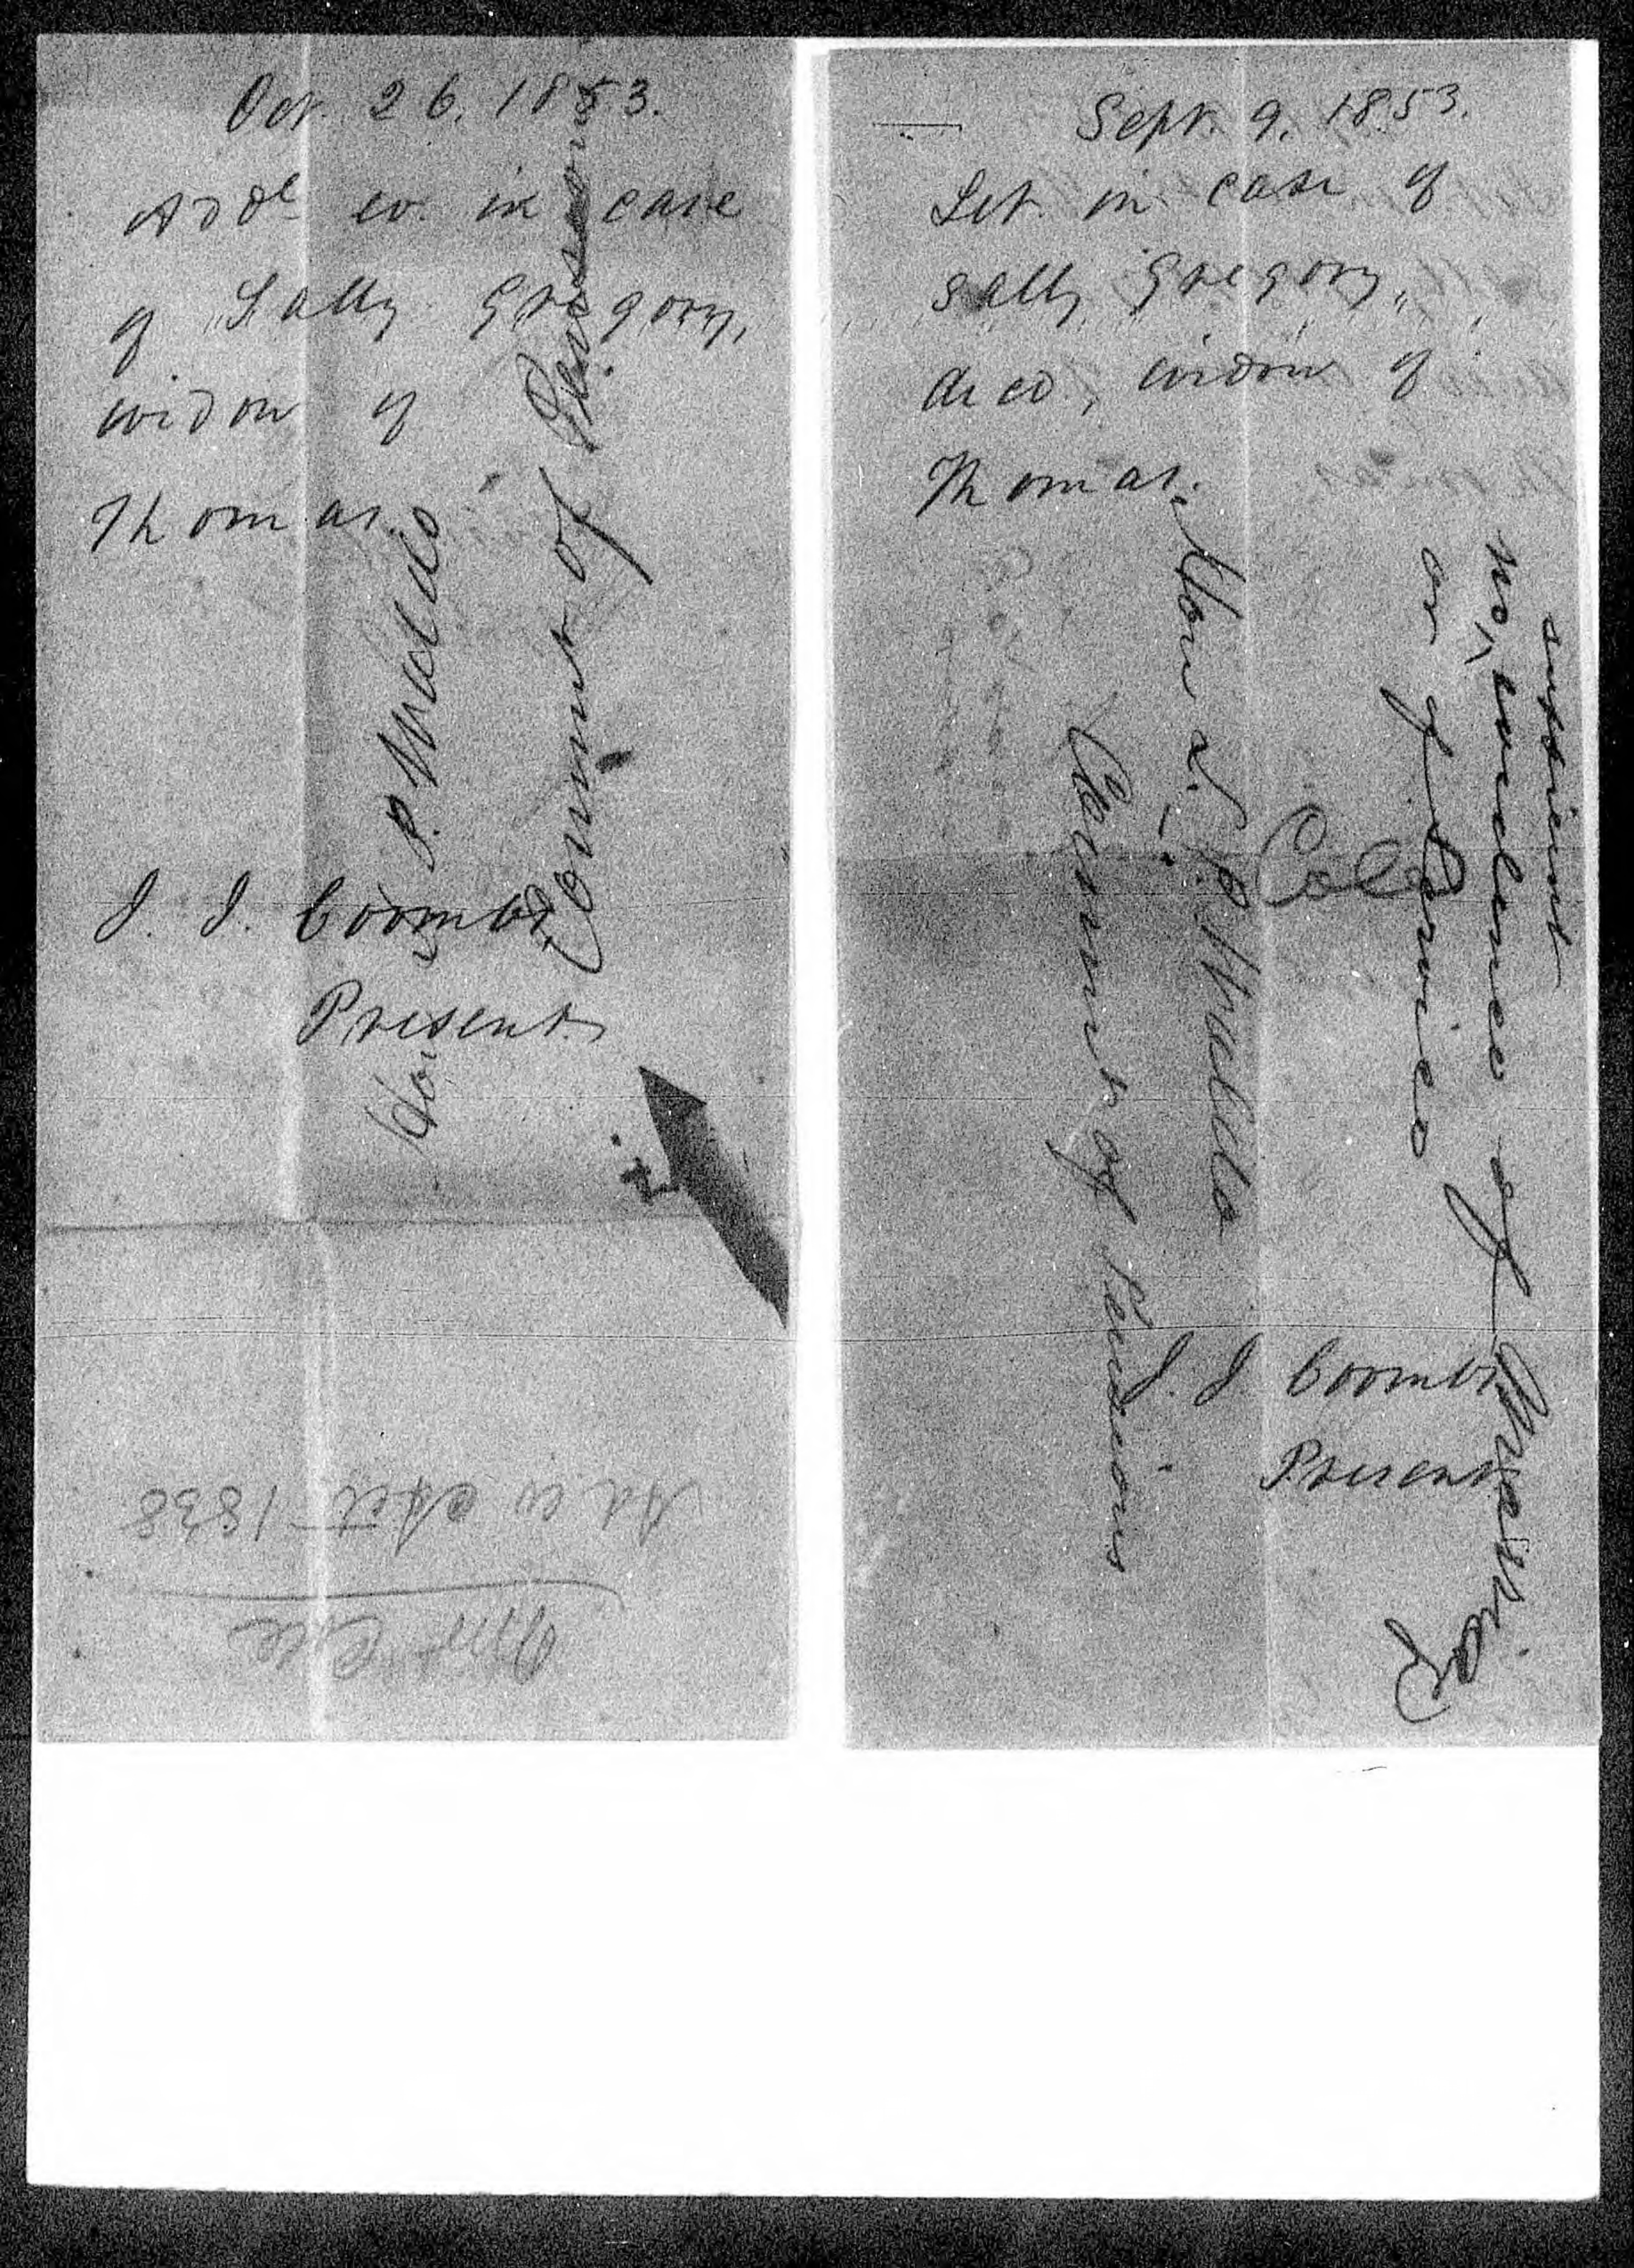[left side]
Oct 26, 1853
Add'l ev. in case
of Sally Gregory,
widow of
Thomas

J. J. Coombs
Present

[vertically}
Hon. J. P. Waldo
Comms'r of Pensions

[upside down]
Mr Cole
[?] Act 1838

[right side]
Sept 9, 1853
Let. in case of
Sally Gregory
Dec'd, widow of
Thomas.

J. J. Coombs 
Present

[vertically]
sufficient
no evidence of  Marriage
or of service.

Hon L. P. Waldo
Comms'r of Pensions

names: J J Coombs, Cole, Sally Gregory, Sally Gregory, Thomas Gregory, Cole, L P Waldo, Thomas Gregory, L P Waldo, J J Coombs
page: 30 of 75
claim: widow's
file: W. 8876, Thomas Gregory, Continental Va